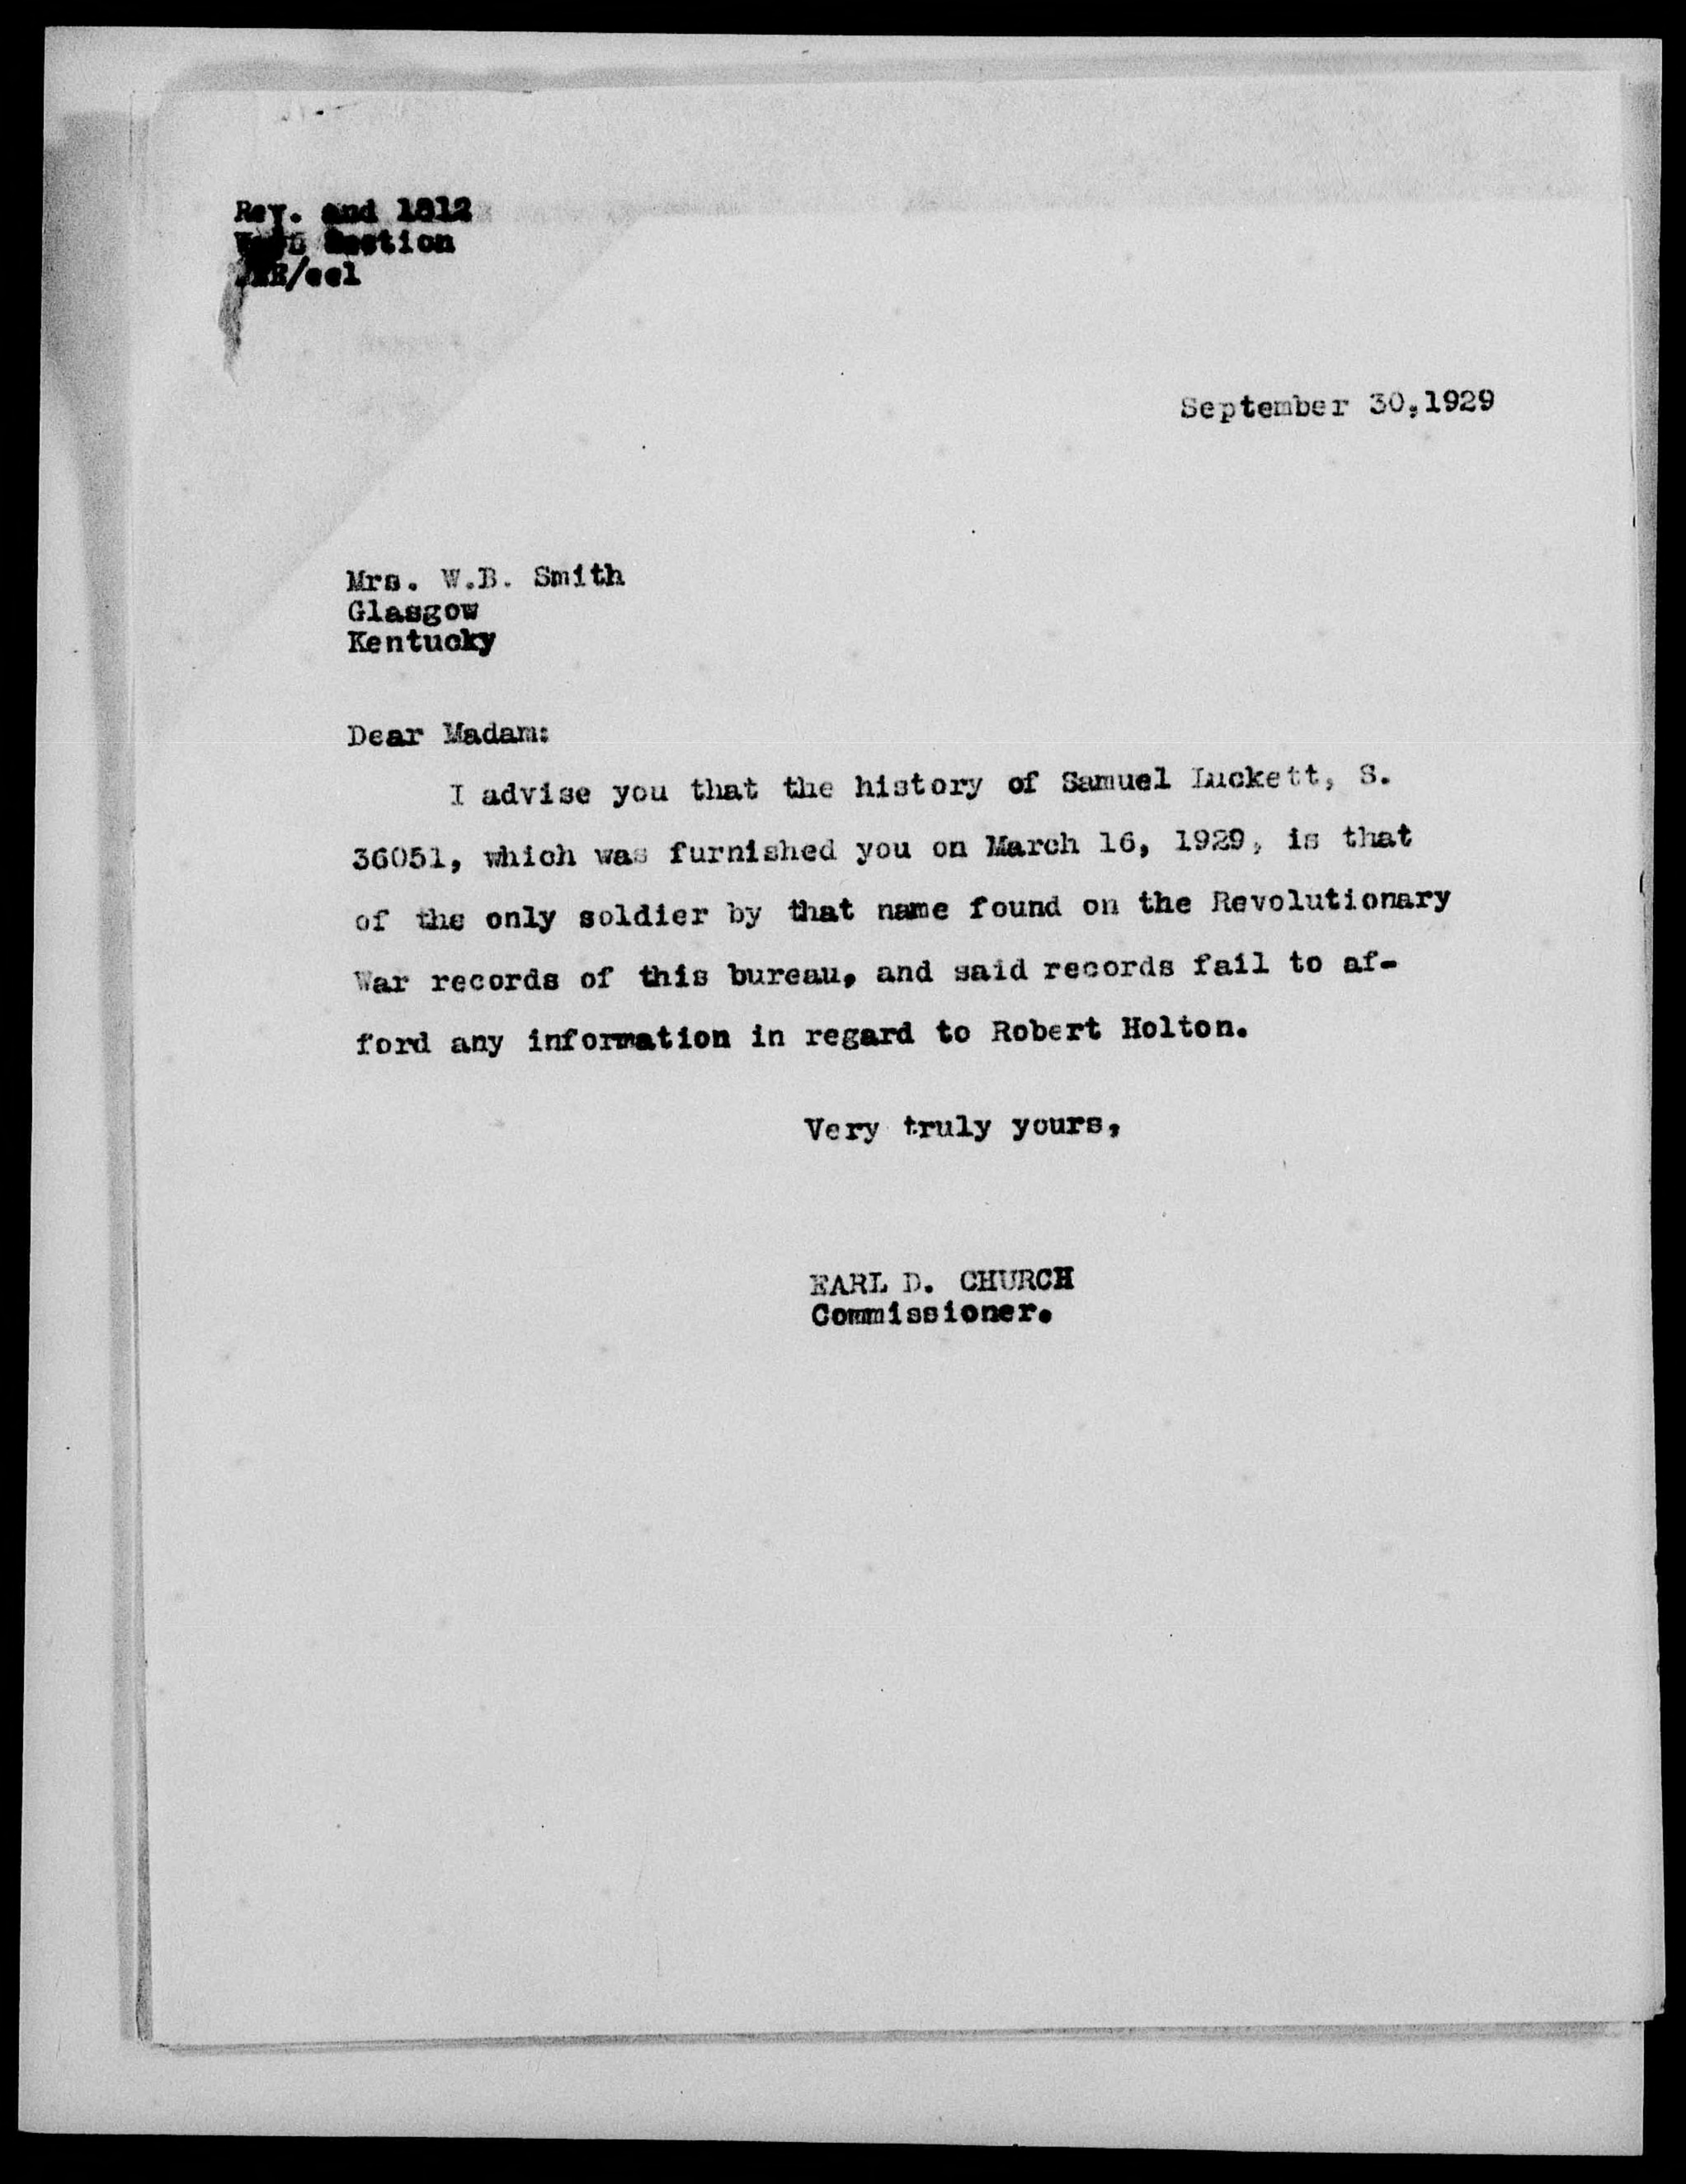Rev and 1812
Wars Section

September 30, 1929

Mrs. W.B. Smith
Glasgow
Kentucky

Dear Madam:

I advise you that the history of Samuel Luckett, S.36051, which was furnished you o March 16, 1929 is that of the only soldier by that name found on the revolutionary war records of this bureau and said records fail to afford any information in regard to Robert Holton.

Very truly yours,

Earl D Church
Commissioner.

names: Samuel Luckett; Robert Holton; Earl D Church; W B Smith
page: 28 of 34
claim: survivor's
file: S. 36,051, for Samuel Luckett, Maryland